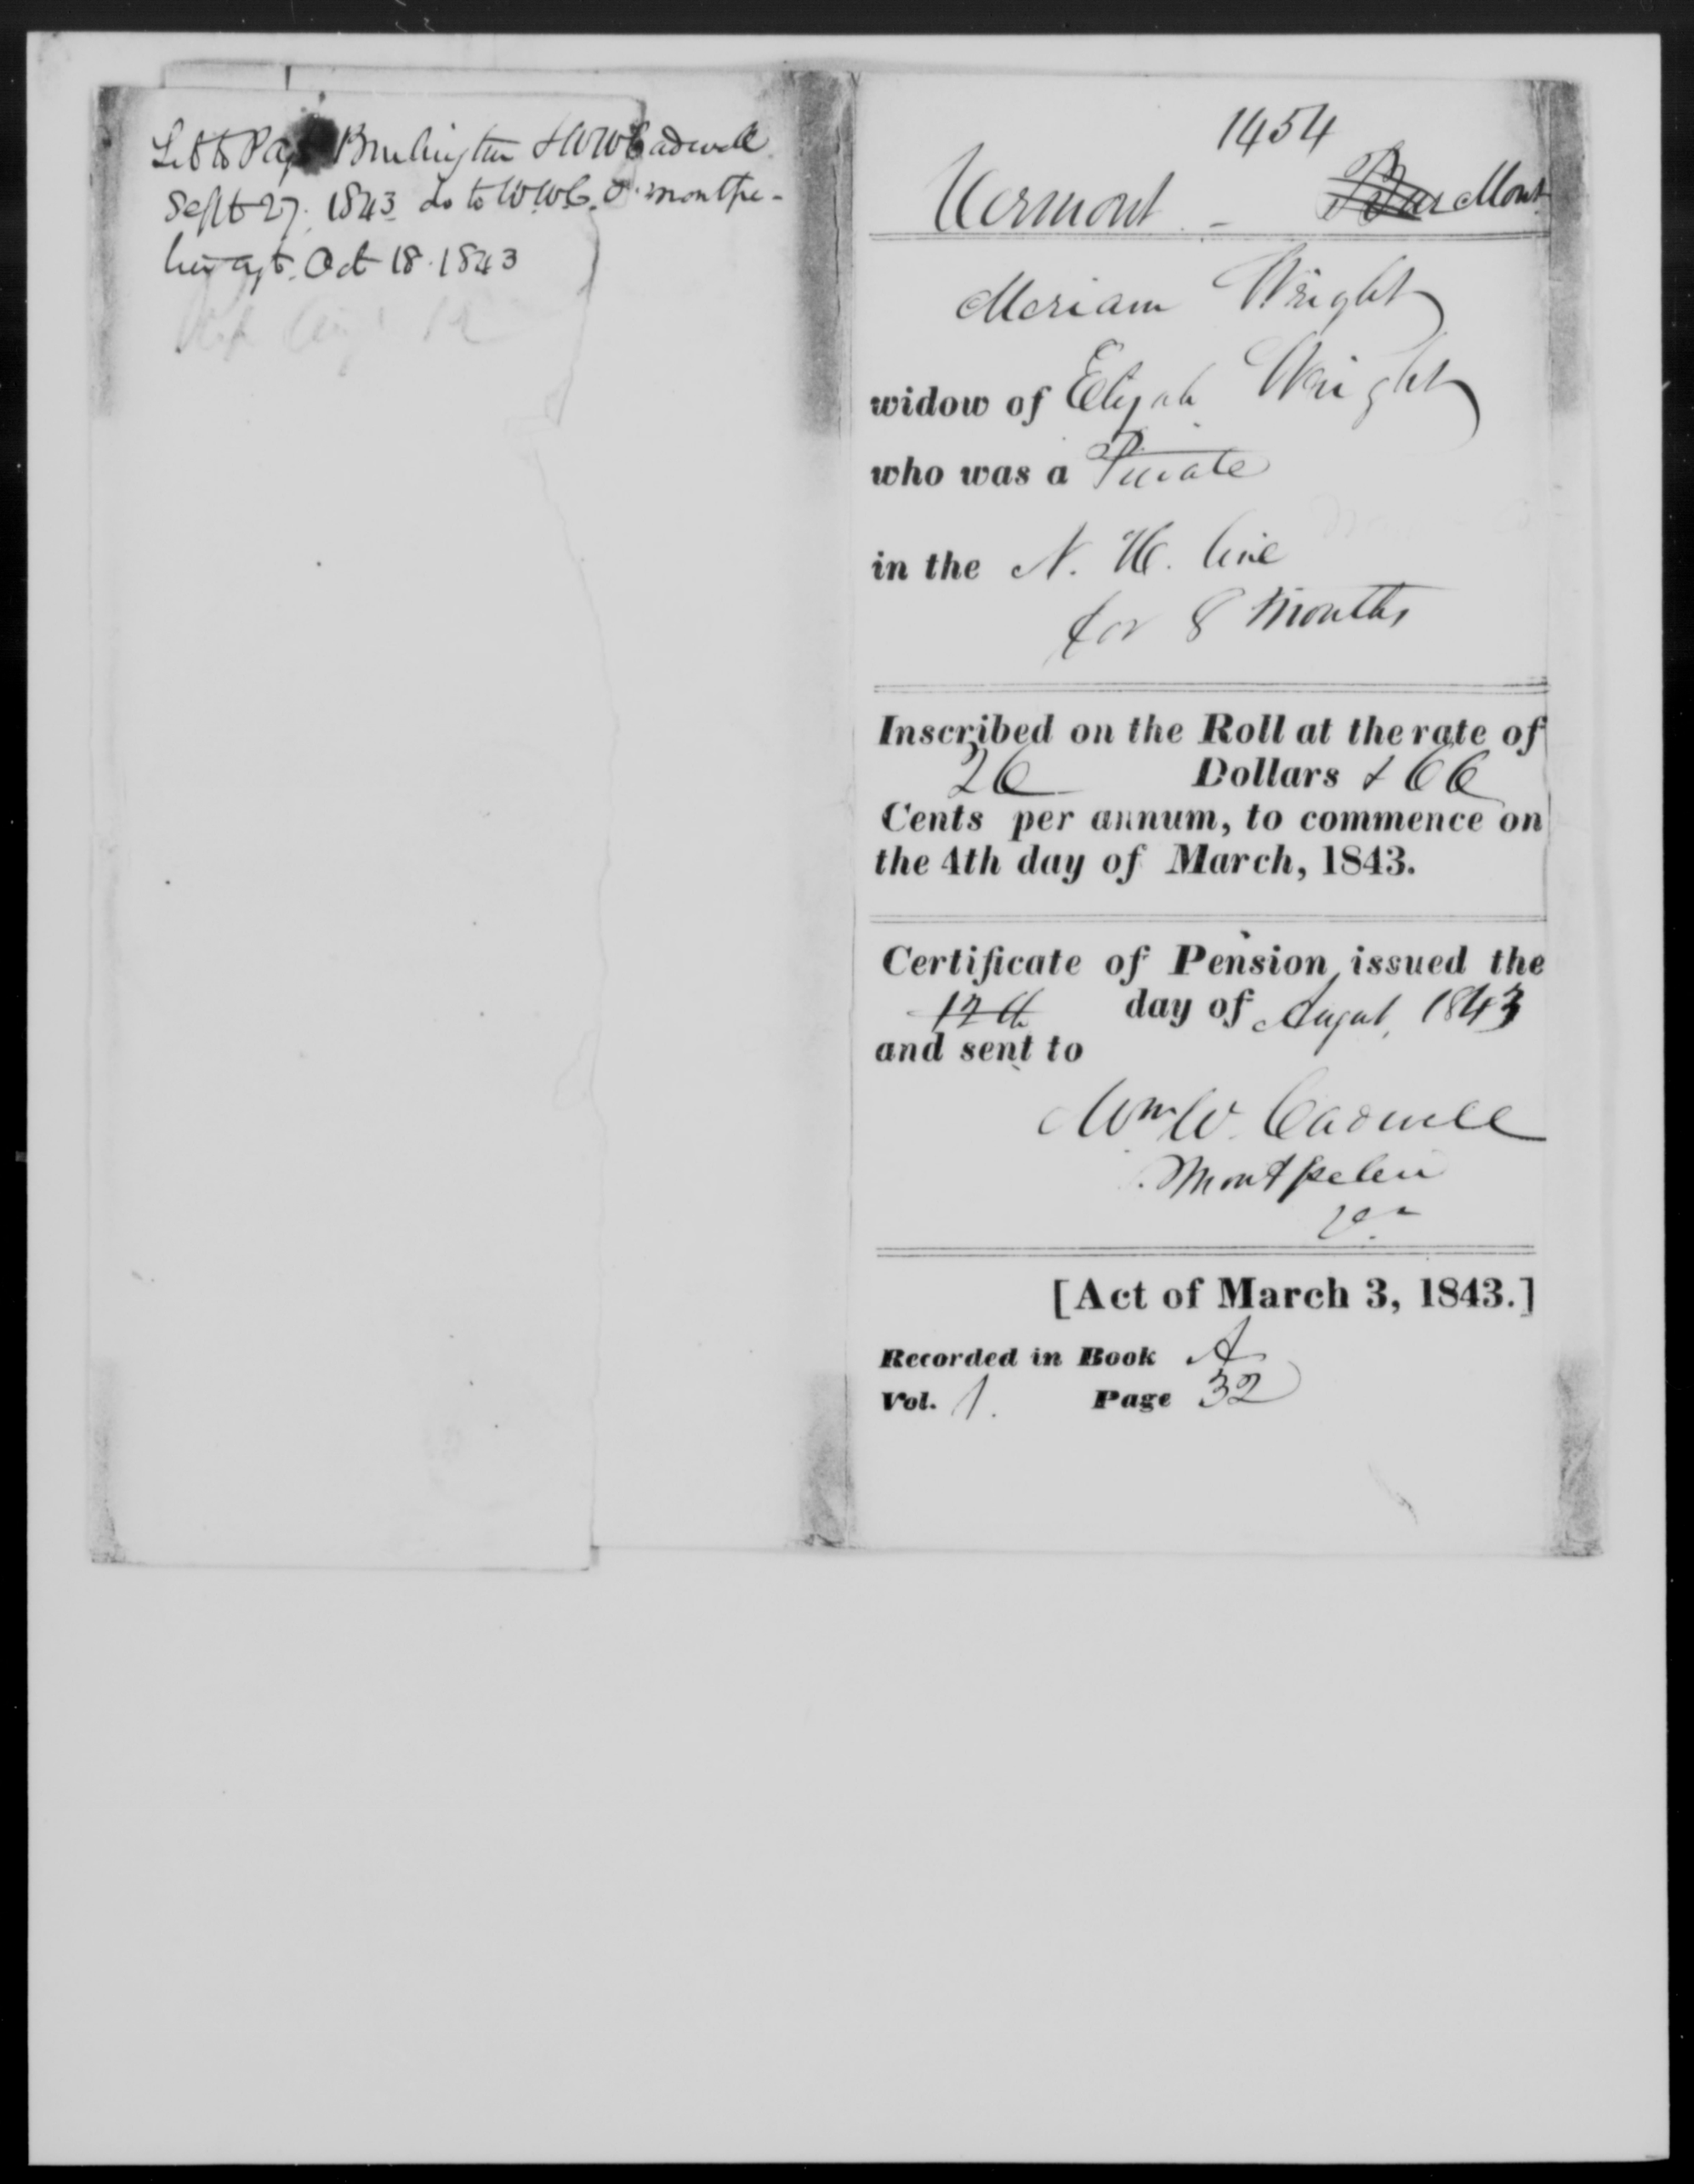[Column 1]
Let to Burlington LWWadwell
Sept 27, 1843 do to C. Montpellier
agt Oct 18 1843

[column 2]
1454
Vermont
Miriam Wright
widow of Elijah Wright
who was a Private
in the N.H. line
for 8 months
Inscribed on the Roll at the rate of
26
Dollars 66
Cents per annum, to commence on
the 4th day of March, 1843.
Certificate of Pension issued the
17th day of August, 1843
and sent to
Wm W. Cadwell
Montpelier VT

Act of March 3, 1843.}
Recorded in Book A
Vol. 1
Page 32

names: Wm W Cadwell, Elijah Wright, Meriam Wright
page: 3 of 26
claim: widow's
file: W. 26,137, Elijah Wright, N.H.